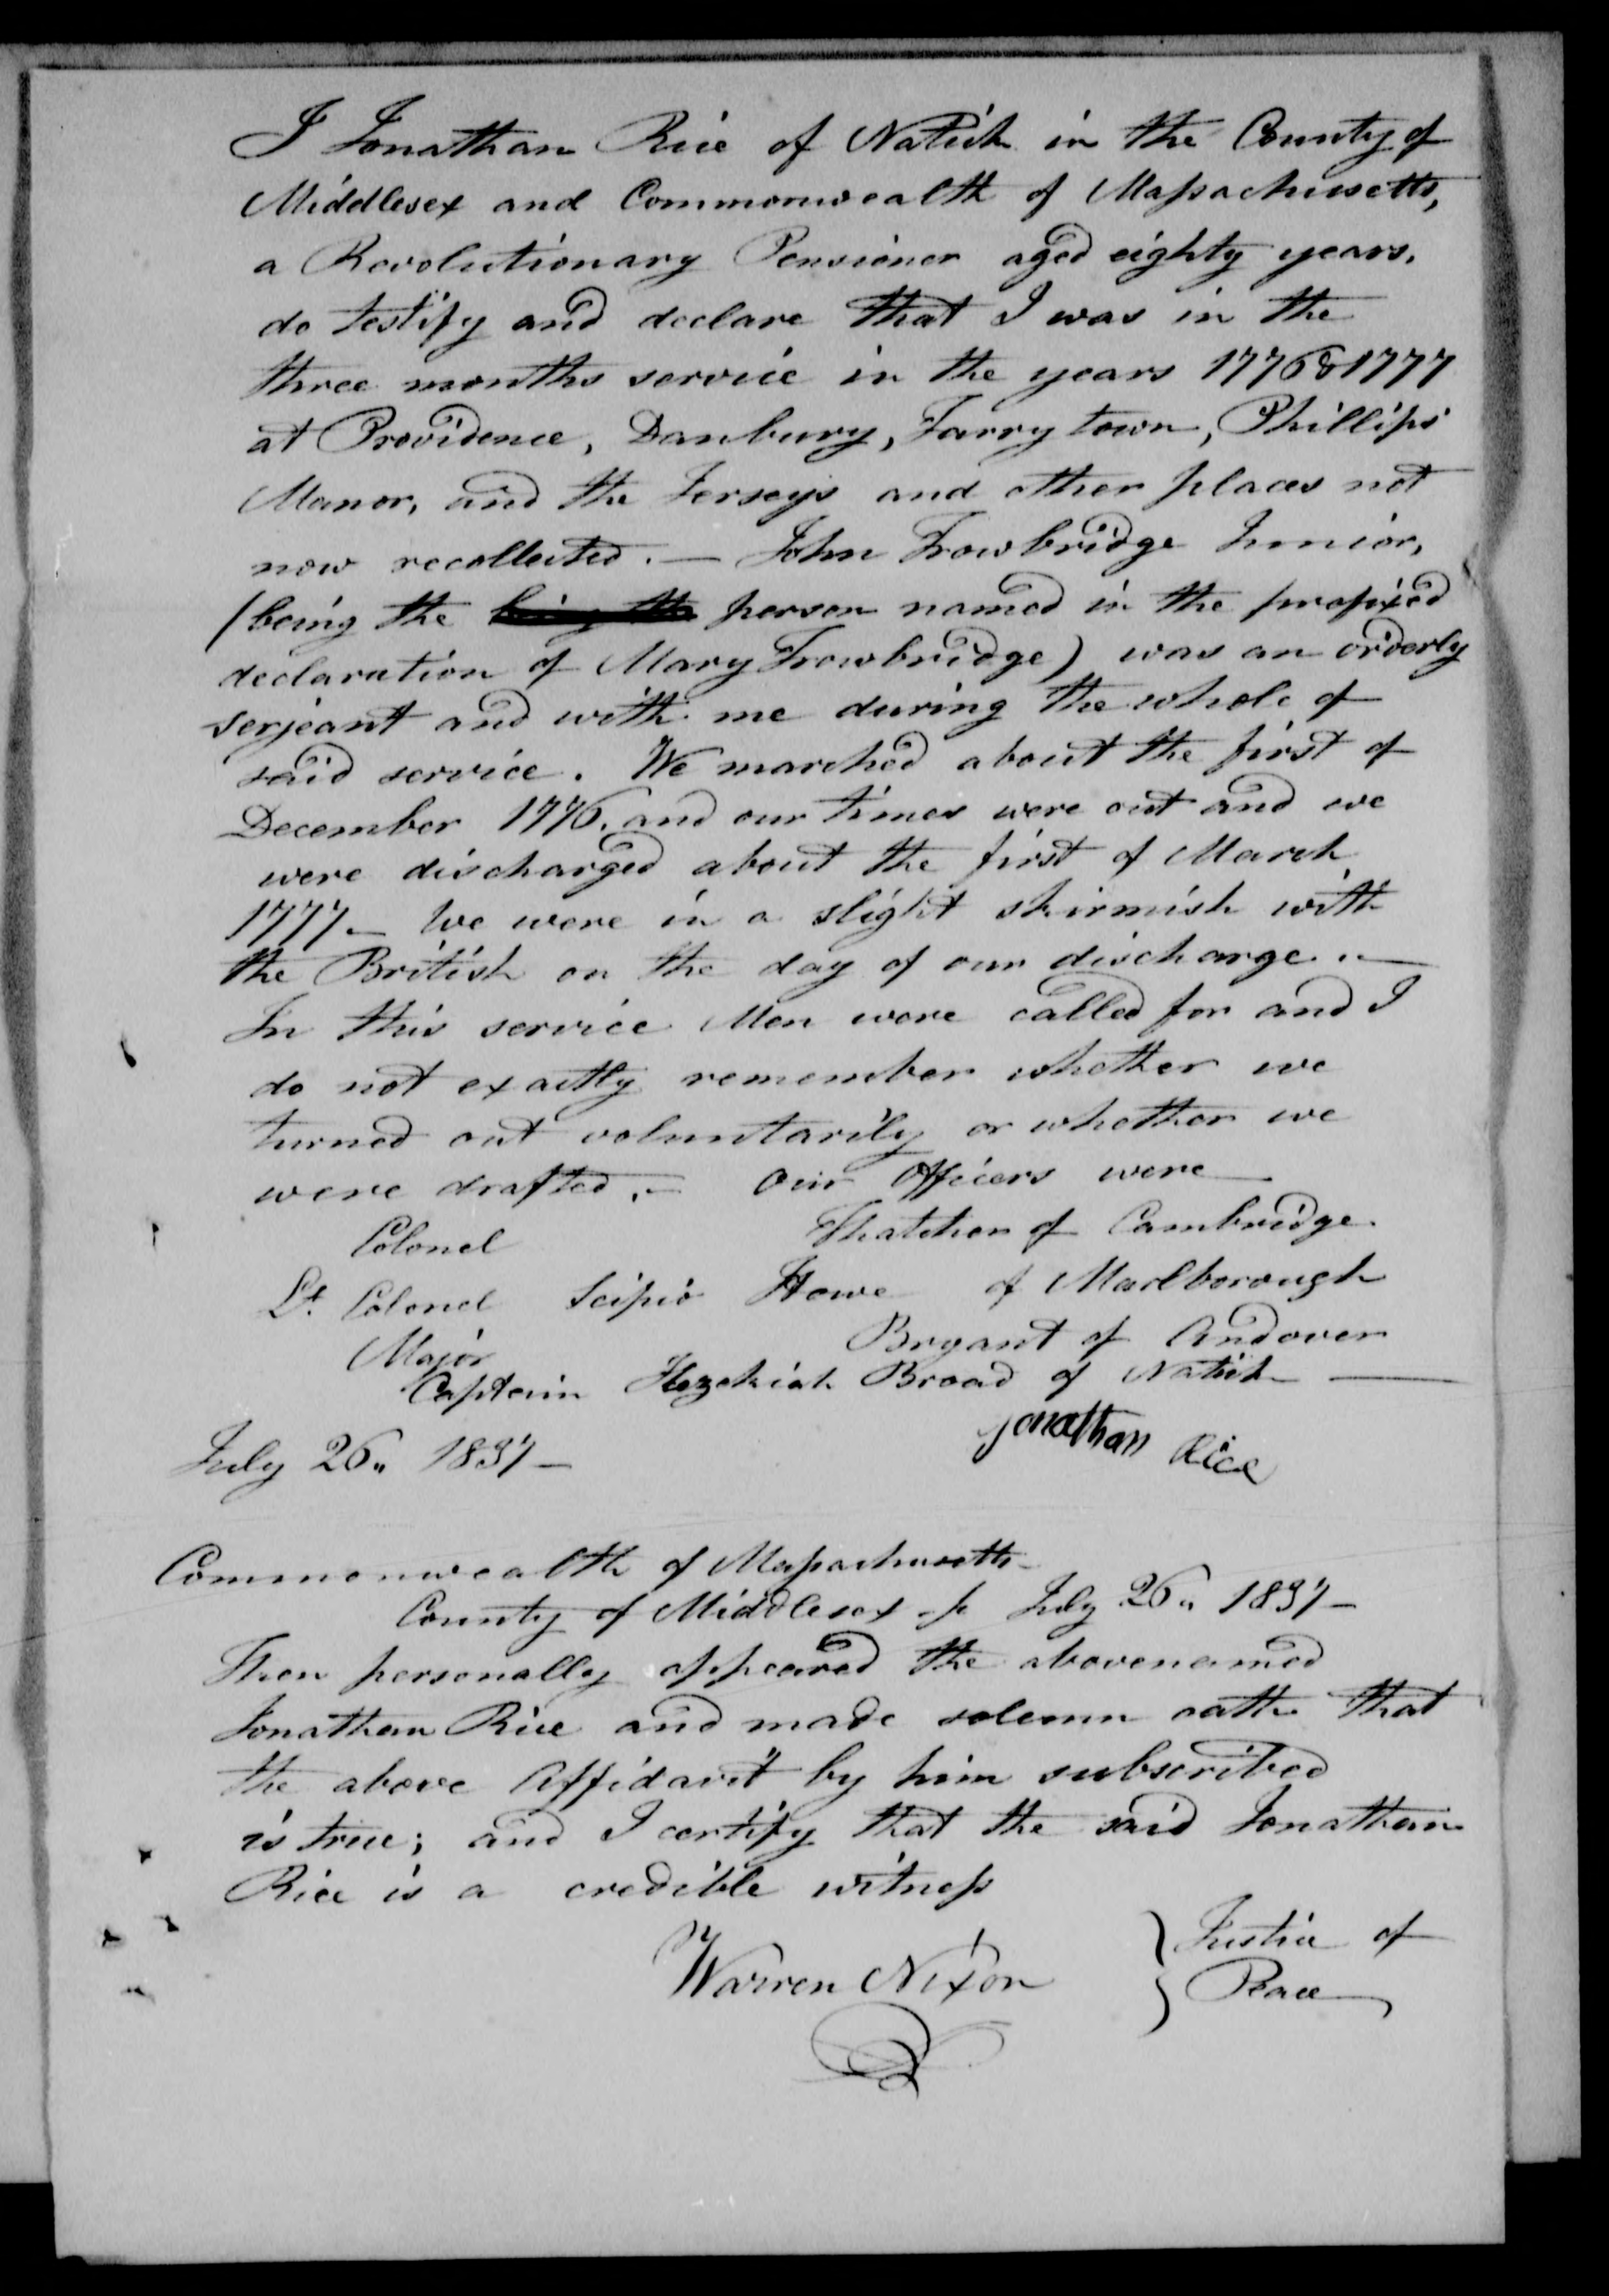I Jonathan Rice of Natick in the County of
Middlesex and Commonwealth of Massachusetts,
a Revolutionary Pensioner aged eighty years
do testify and declare that I was in the
three months service in the years 1776 & 1777
at Providence, Danbury, Tarrytown, Phillips
Manor, and the Jerseys and other places not
now recollected. John Trowbridge Junior
being the person named in the prefixed
declaration of Mary Trowbridge was an orderly
Sergeant and with me during the whole of
said service. We marched about the first of
December 1776, and our times were out and we
were discharged about the first of March
1777. We were in a slight skirmish with
the British on the day of our discharge
In this service men were called for and I
do not exactly remember whether we
turned out voluntarily or whether we
were drafted or officers were
Colonel Thatcher of Cambridge
Lt Colonel Scipio Howe of Marlborough
Major Bryant of Andover
Captain Hezekiah Broad of Natick
July 26, 1837
Jonathan Rice
Commonwealth of Massachusetts
County of Middlesex July 26, 1837
Here personally appeared the above named
Jonathan Rice and made solemn oath that the
above affidavit by him subscribed
is true; and I certify that the said Jonathan
Rice is a credible witness
Warren Nixon
Justice of
Peace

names: Jonathan Rice, Jonathan Rice, John Trowbridge, Seipio Howe, Jonathan Rice, Jonathan Rice, Bryant, Warren Nixon, Hezekiah Broad, Mary Trowbridge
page: 10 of 34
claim: widow's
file: W. 15439, John Trowbridge, Mass.